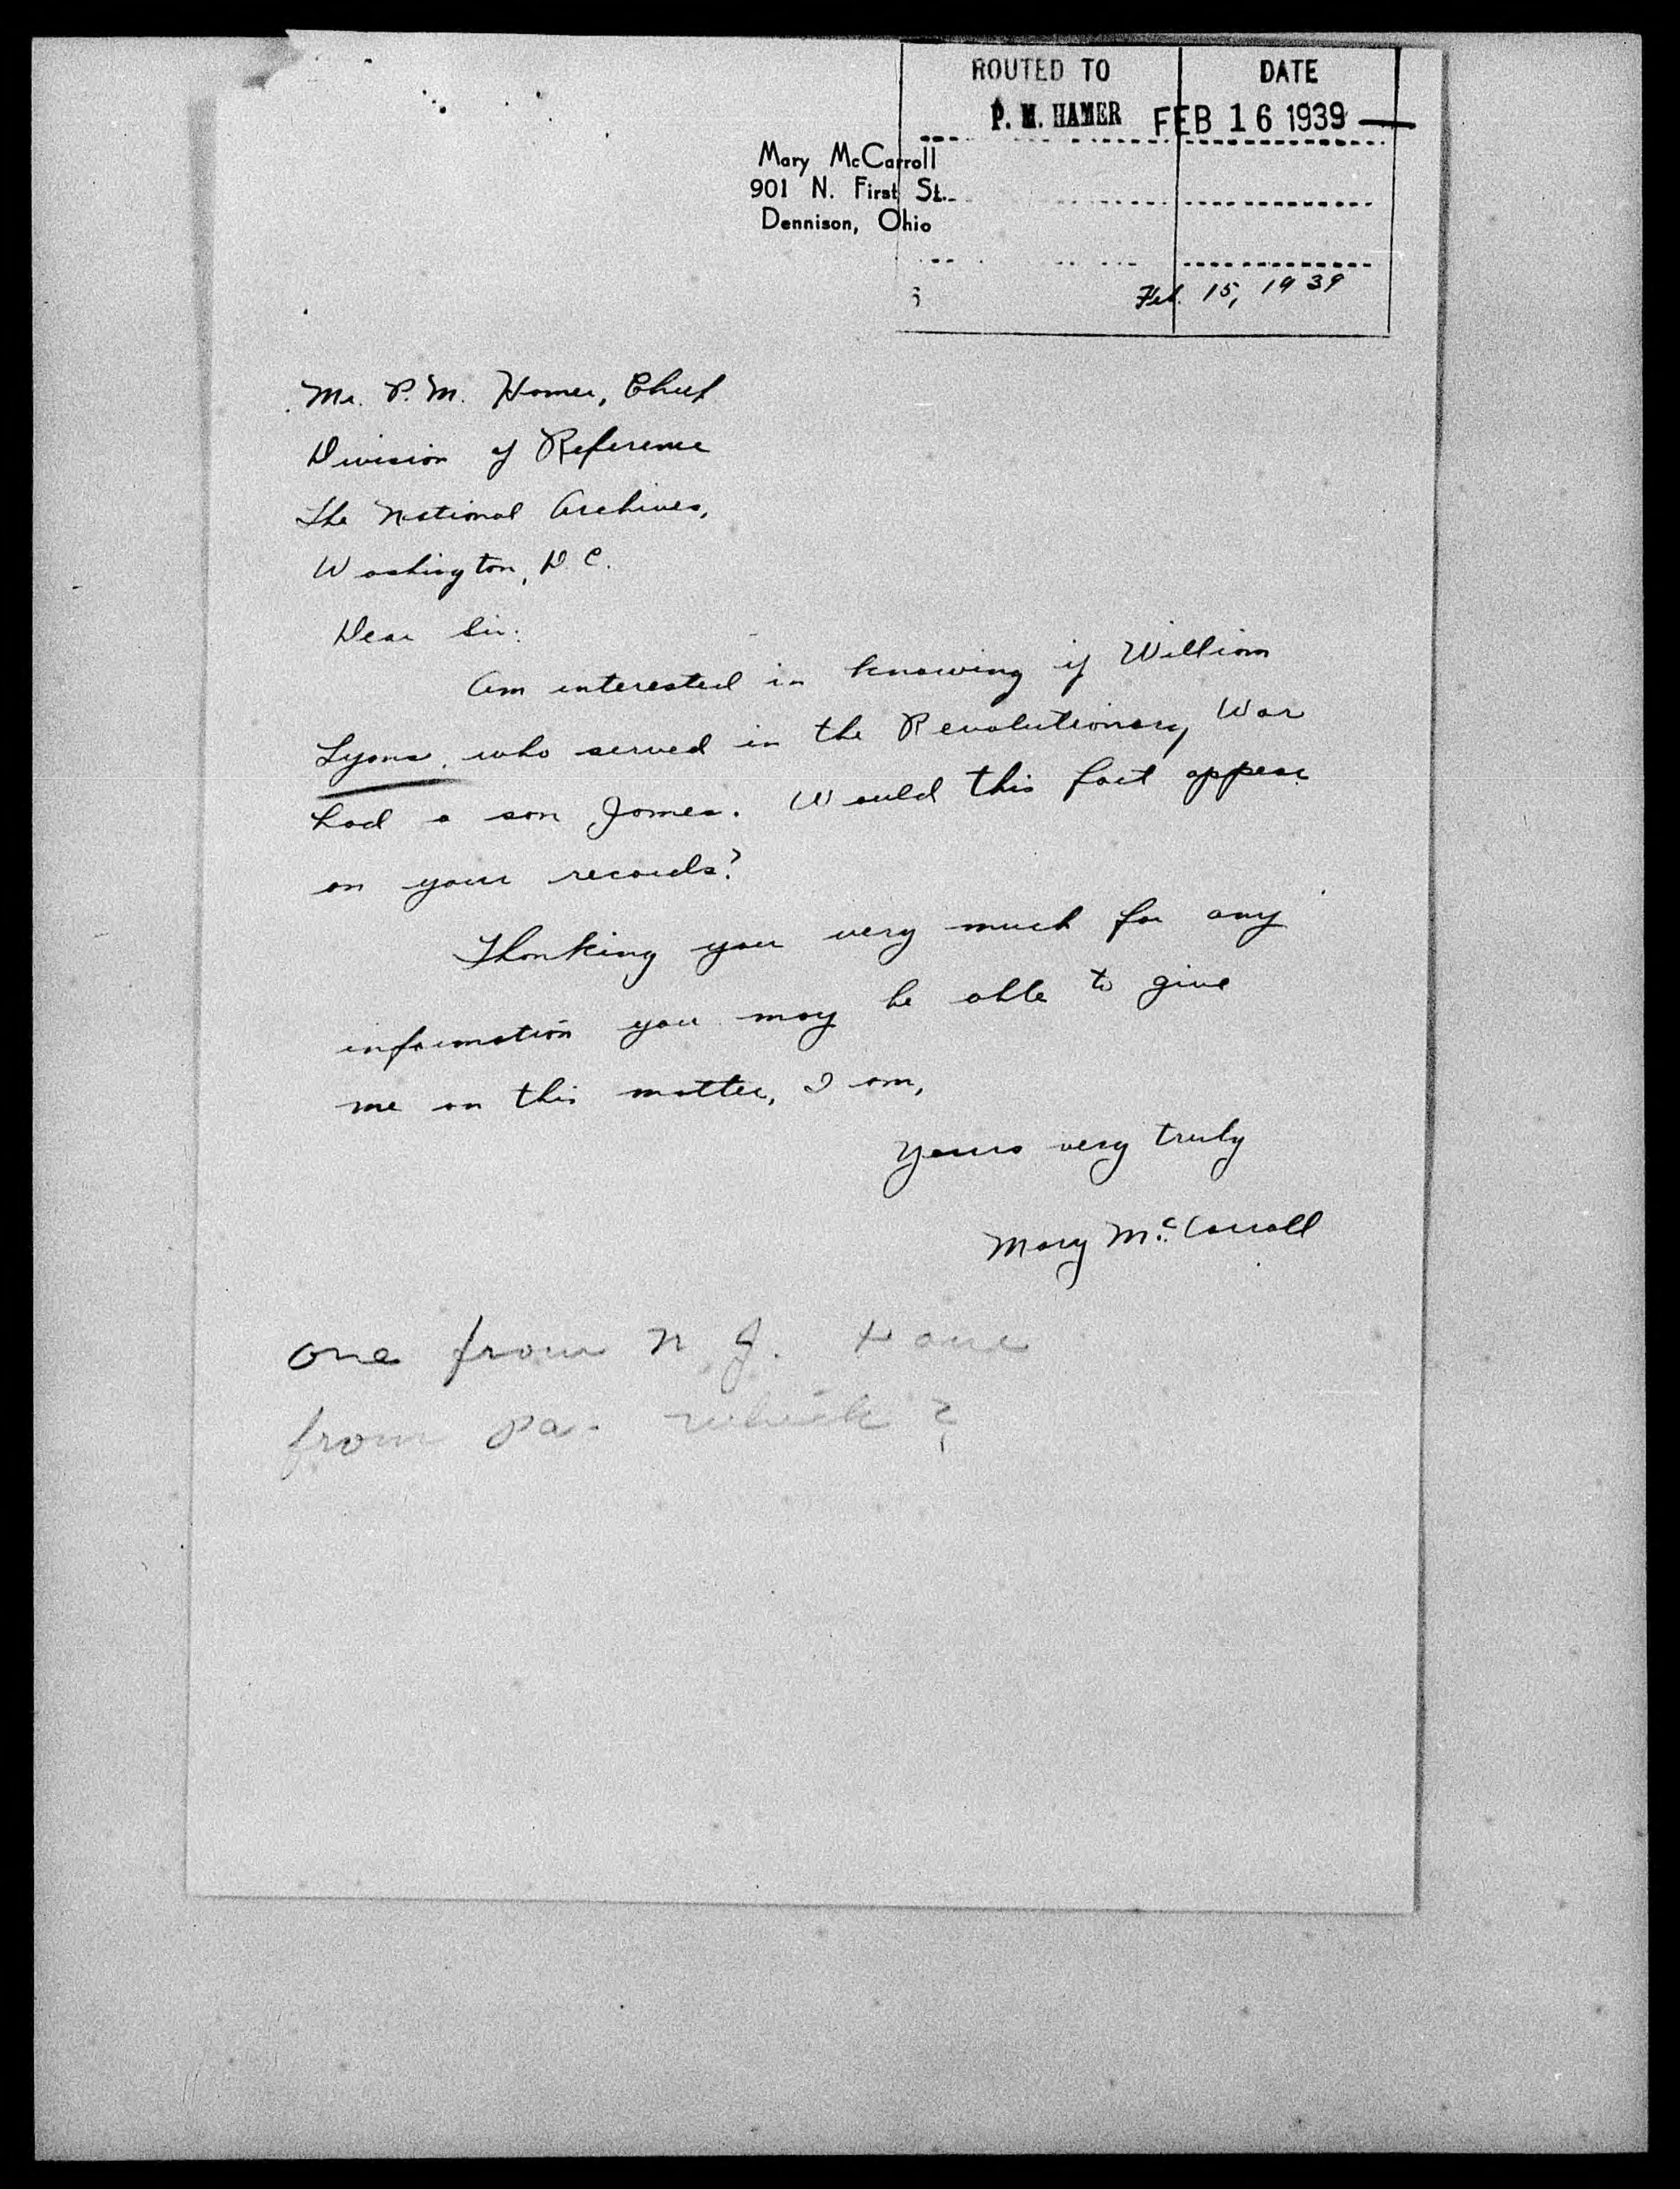Routed to P.M. Hamer Feb 16 1939
Feb 18, 1939
Mary McCarroll
901 N. First St
Dennison, Ohio

Mr P.M. Hamer, Chief Divison of Reference 
The National Archives, 
Washington. D.C.
Dear Sir:
Am interested in knowing of William Lyons, who served in the Revolutionary War had a son James. Would this fact appear on your records?
Thanking you very much for any information you may be able to give me in this matter I am,
Yours very truly
Mary McCarroll
One from N.J. and one from Pa. which?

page: 24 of 41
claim: survivor's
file: S. 4585, for William Lyons, Pennsylvania